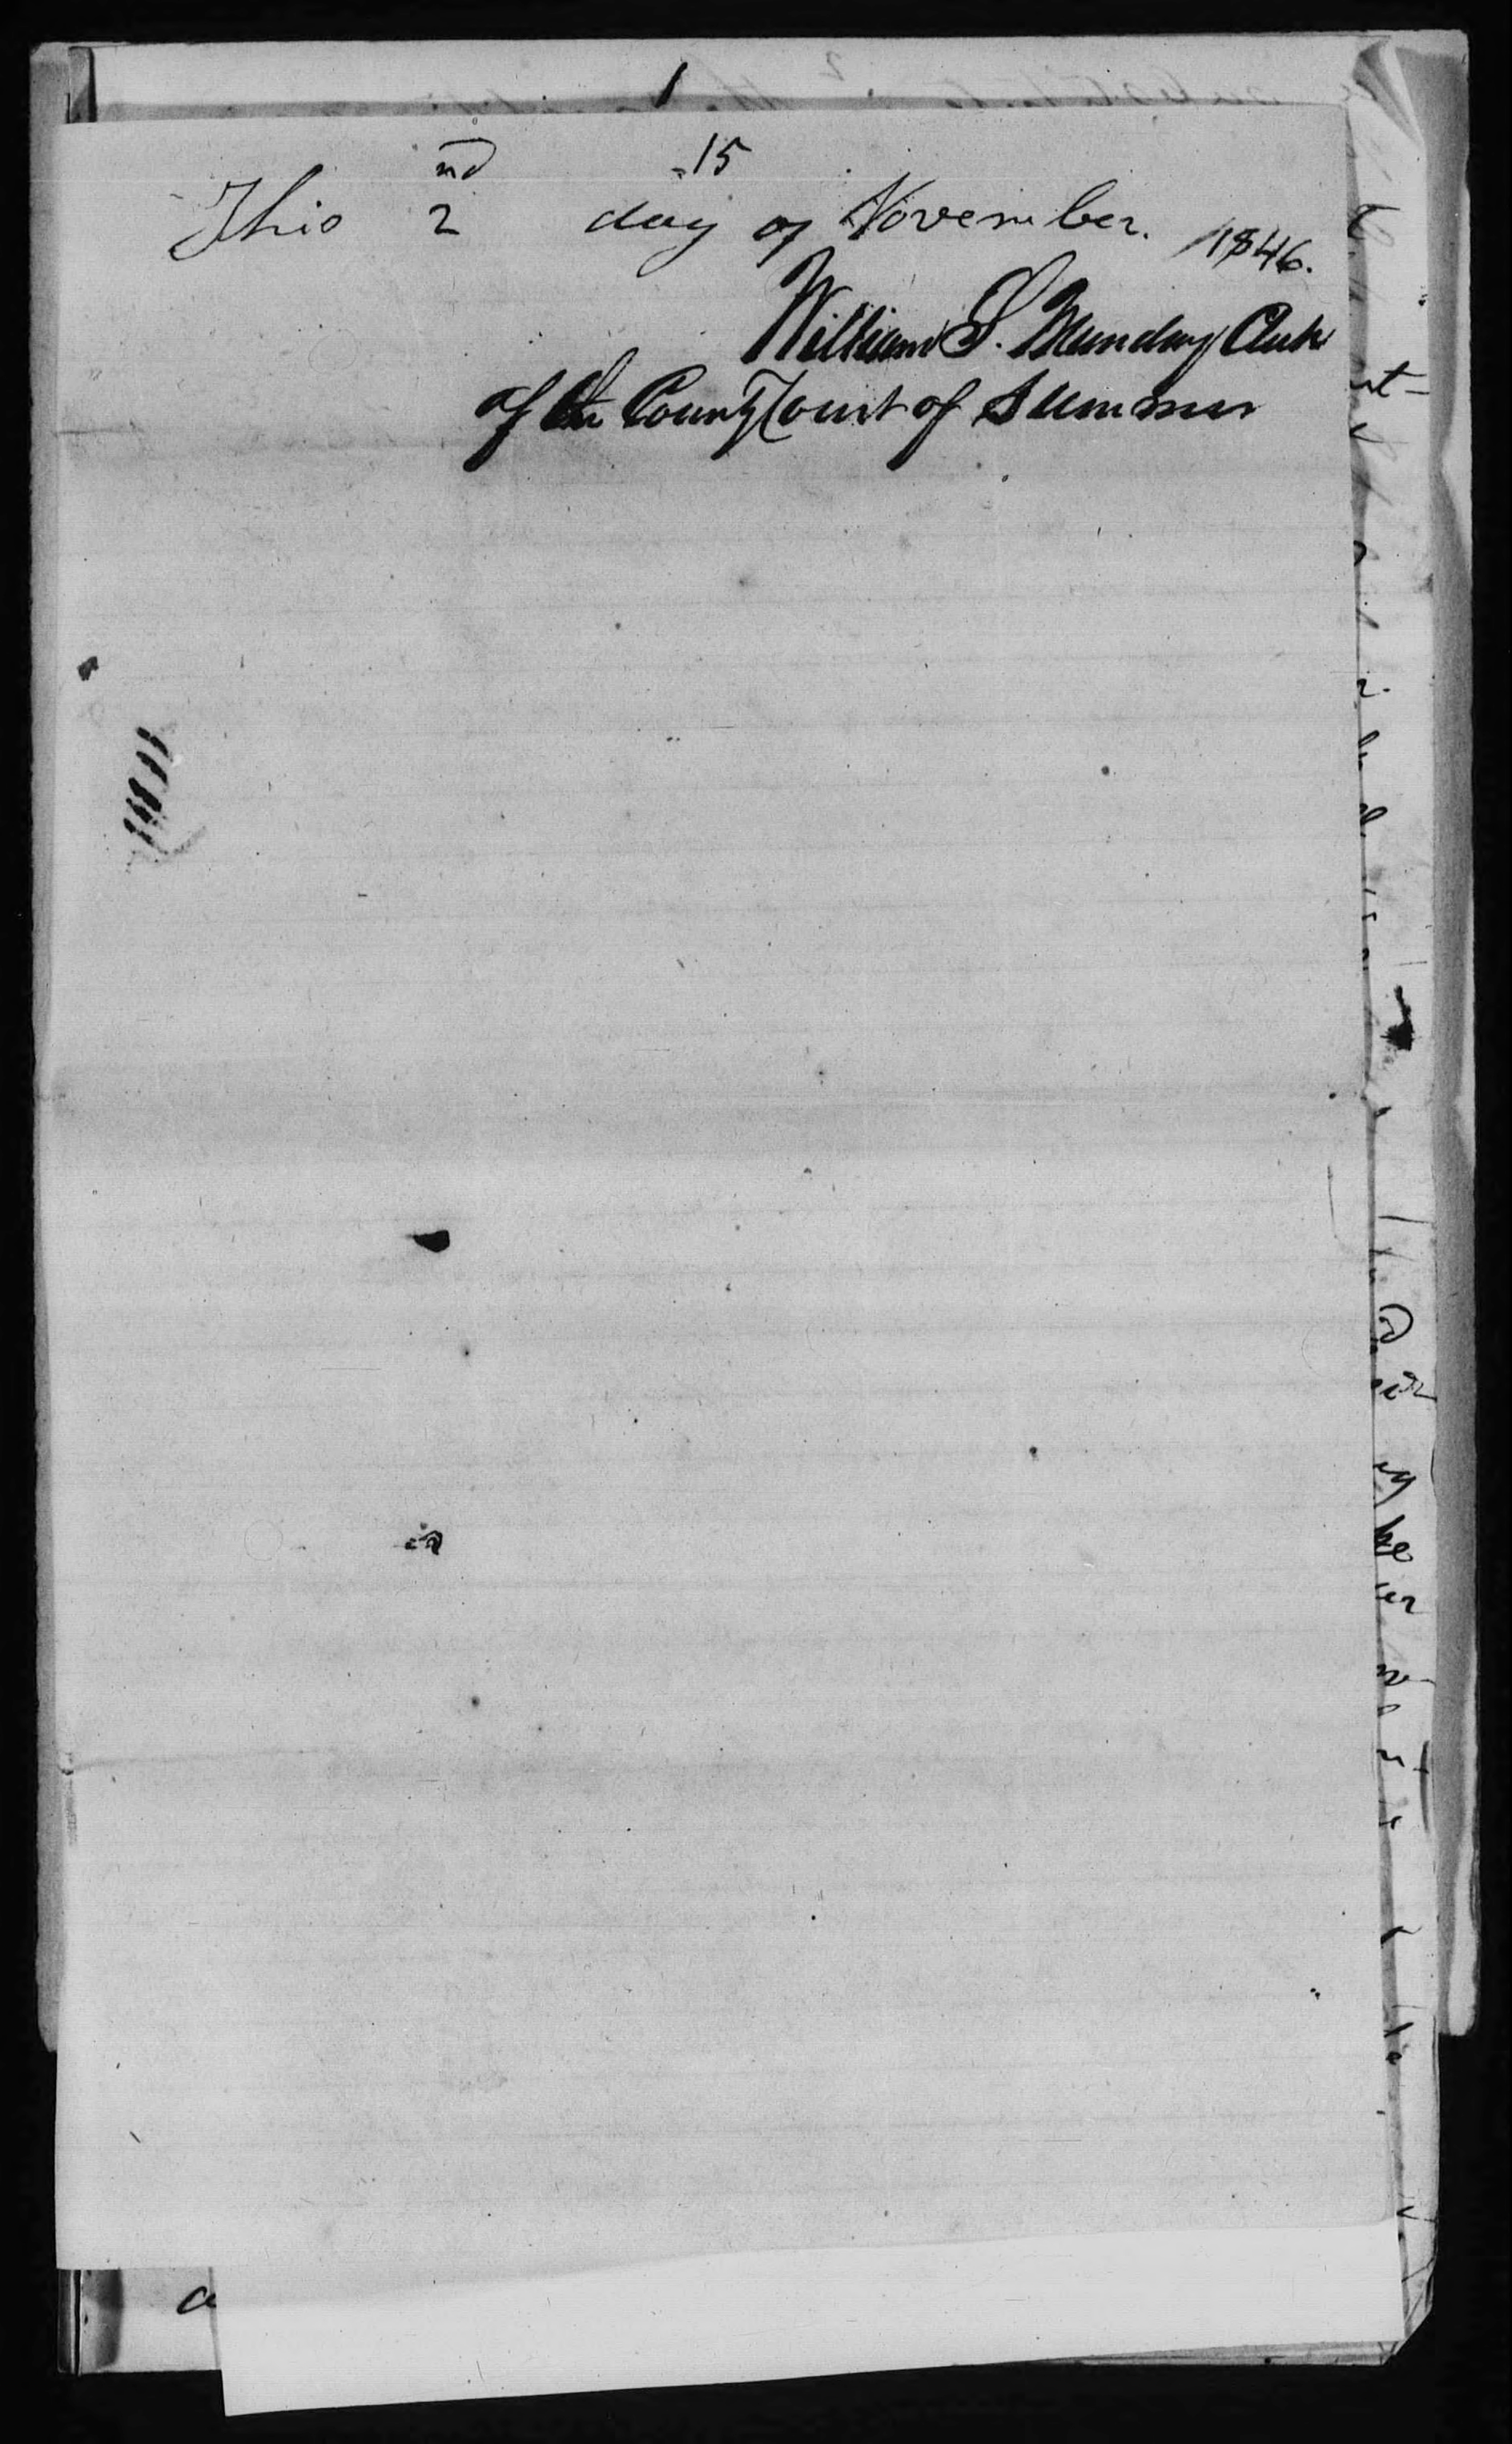15
this 2nd day of November 1846.
William Munday Clerk 
of the County Court of Sumner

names: William S Munday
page: 37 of 76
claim: widow's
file: W. 83, Albert Hendricks, Continental Md. N.C.